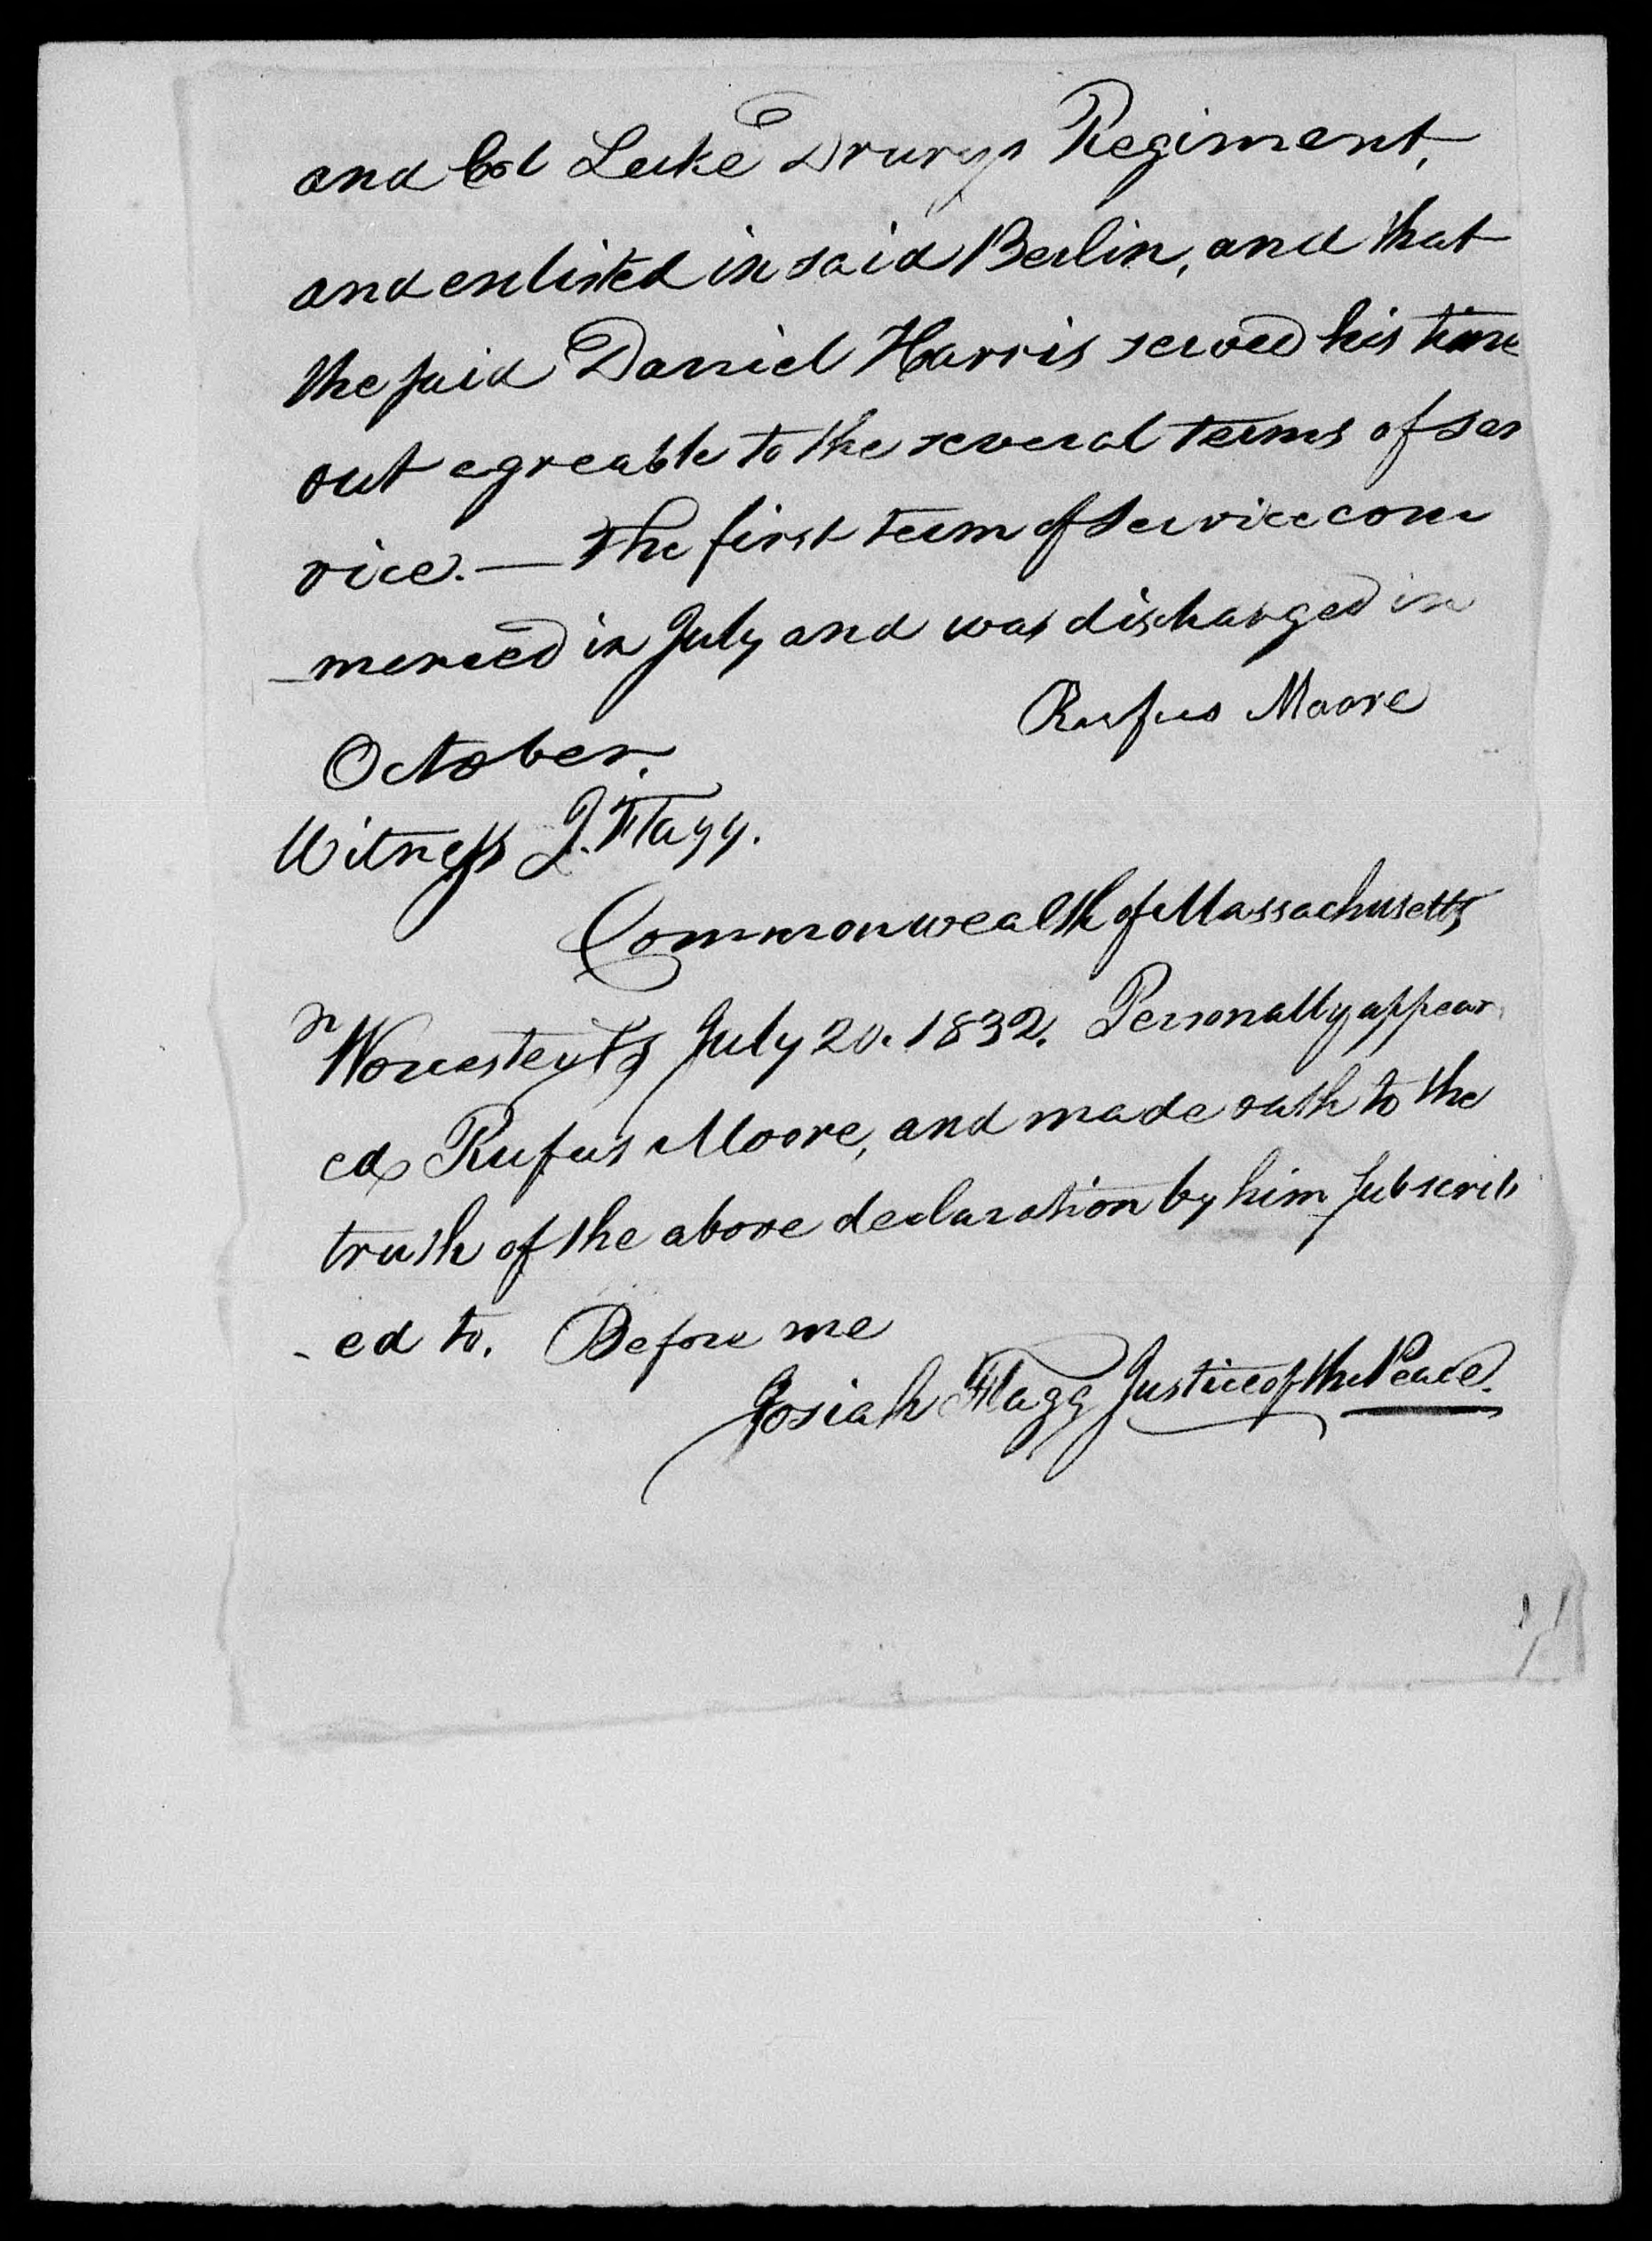And Col. Luke Drury's Regiment, and enlisted in said Berlin and that the said Daniel Harris served his time out agreeable to the (?) terms of service.  The first term of service commenced in July and was discharged in October. 

Signature of Rufus Moore
Witness  J. Flagg

Commonwealth of Massachusetts Worcester ss July 20 1832. Personally appeared Rufus Moore, and made oath to the truth of the above declaration by him subscribed to. 
Before me 
Josiah Flagg   Justice of the Peace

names: Rufus Moore, Daniel Harris, Rufus Moore, Josiah Flagg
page: 16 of 68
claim: survivor's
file: S. 29,877, Daniel Harris, Mass.